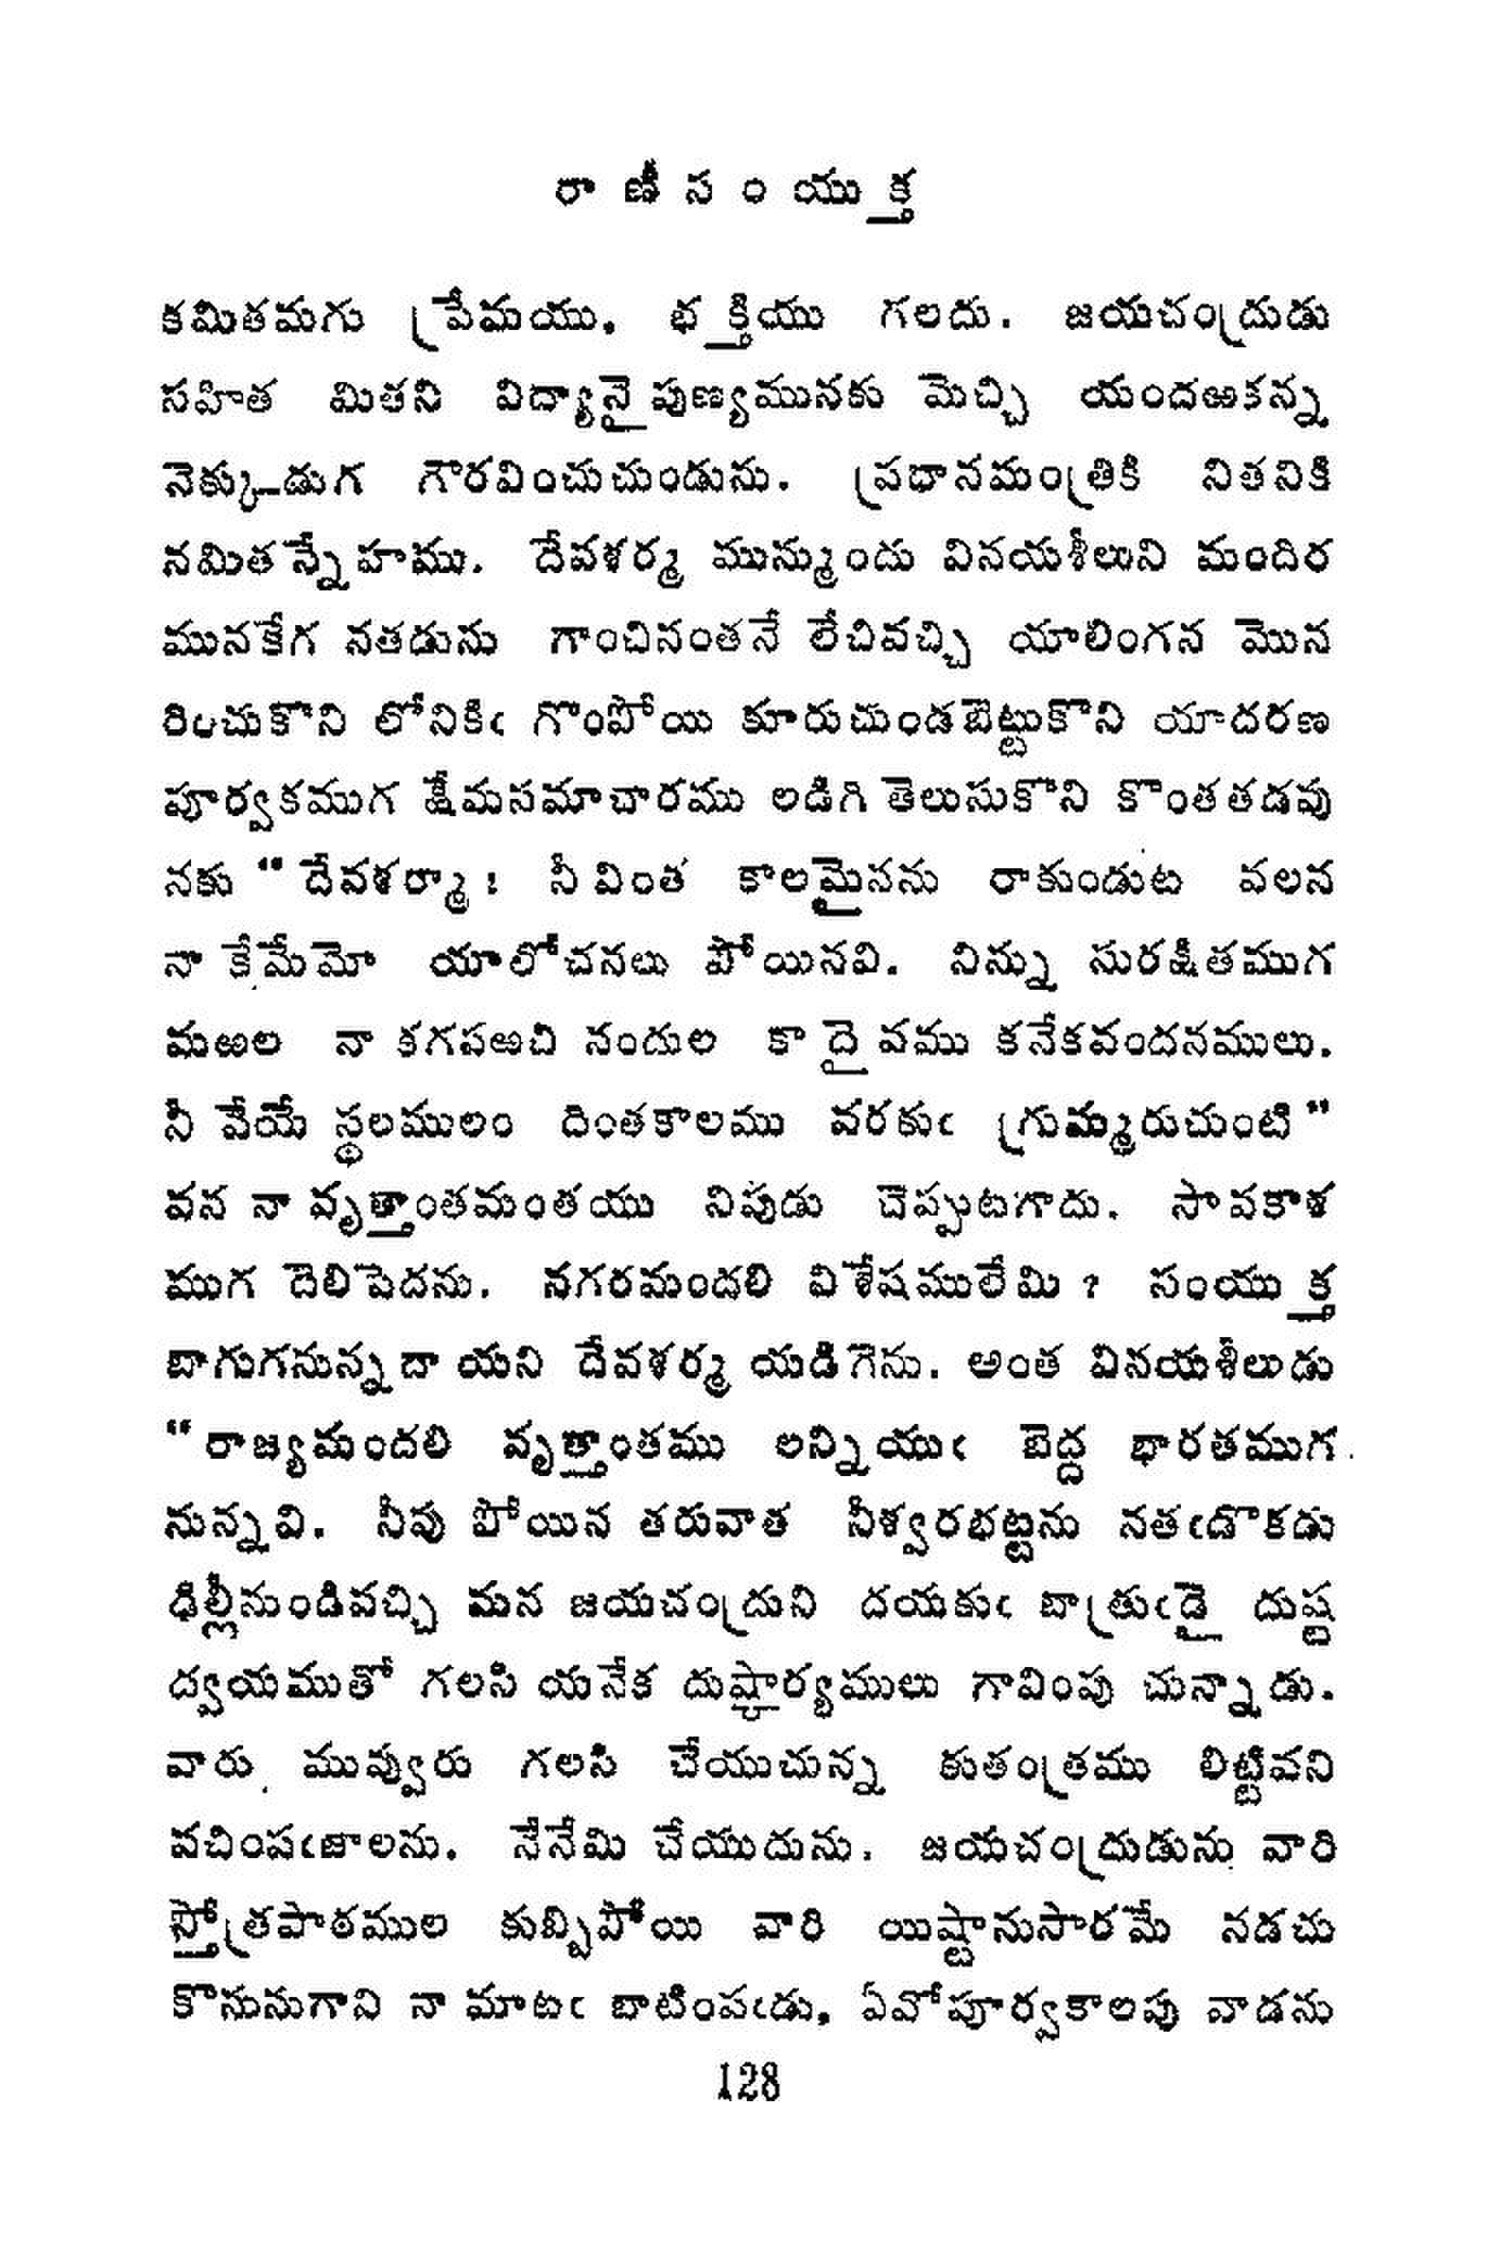కమితమగు ప్రేమయు, భక్తియు గలదు. జయచంద్రుడు సహిత మితని విద్యానైపుణ్యమునకు మెచ్చి యందఱకన్న నెక్కుడుగ గౌరవించుచుండును. ప్రధానమంత్రికి నితనికి నమితస్నేహము. దేవశర్మ మున్ముందు వినయశీలుని మందిరమునకేగ నతడును గాంచినంతనే లేచివచ్చి యాలింగన మొనరించుకొని లోనికిఁ గొంపోయి కూరుచుండబెట్టుకొని యాదరణ పూర్వకముగ క్షేమసమాచారము అడిగి తెలుసుకొని కొంతతడవునకు "దేవశర్మా ! నీ వింత కాలమైనను రాకుండుట వలన నా కేమేమో యాలోచనలు పోయినవి. నిన్ను సురక్షితముగ మఱల నా కగపఱచి నందుల దైవము కనేకవందనములు. నీ వేయే స్థలములం దింతకాలము వరకుఁ గ్రుమ్మరుచుంటి" వన నా వృత్తాంతమంతయు నిపుడు చెప్పుటగాదు. సావకాశముగ దెలిపెదను. నగరమందలి విశేషములేమి? సంయుక్త బాగుగనున్నదా యని దేవశర్మ యడిగెను. అంత వినయశీలుడు "రాజ్యమందలి వృత్తాంతము లన్నియుఁ బెద్ద భారతముగ నున్నవి. నీవు పోయిన తరువాత నీశ్వరభట్టను నతఁడొకడు ఢిల్లీనుండివచ్చి మన జయచంద్రుని దయకుఁ బాత్రుఁడై దుష్ట ద్వయముతో గలసి యనేక దుష్కార్యములు గావింపు చున్నాడు. వారు మువ్వురు గలసి చేయుచున్న కుతంత్రము లిట్టివని వచింపజాలను. నేనేమి చేయుదును. జయచంద్రుడును వారి స్తోత్రపాఠముల కుబ్బిపోయి వారి యిష్టానుసారమే నడచు కొనునుగాని నా మాటఁ బాటింపఁడు. ఏవోపూర్వకాలపు వాడను